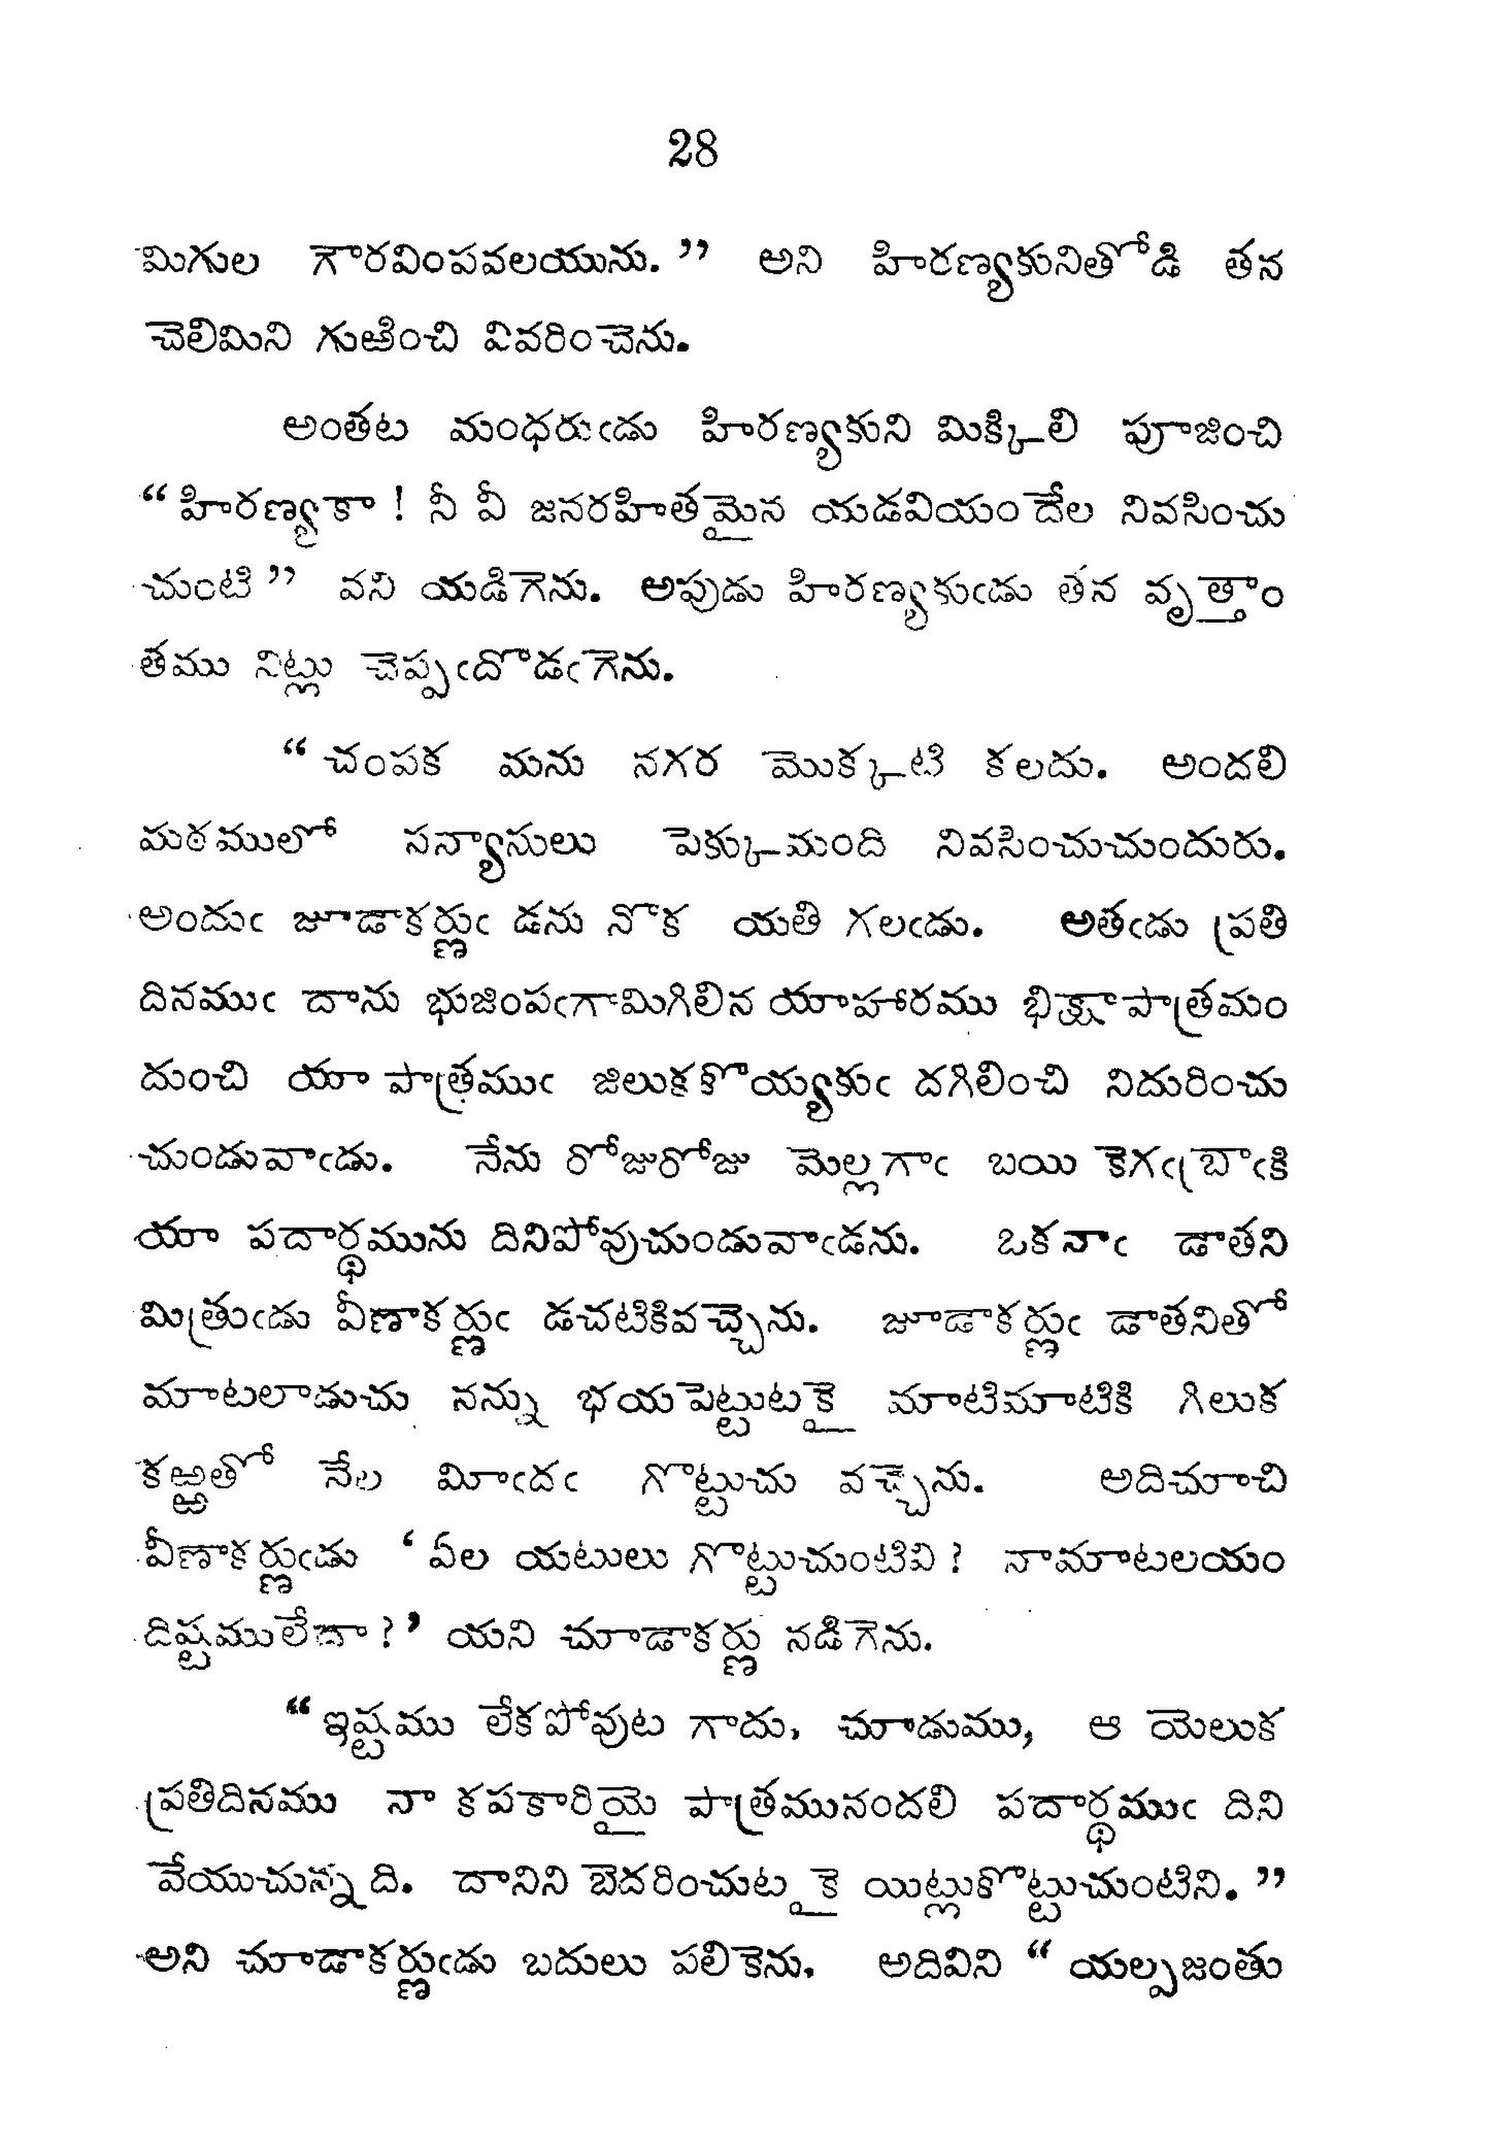మిగుల గౌరవింపవలయును." అని హిరణ్యకునితోడి తన చెలిమిని గుఱించి వివరించెను.

అంతట మంధరుడు హిరణ్యకుని మిక్కిలి పూజించి "హిరణ్యకా! నీ వీ జనరహితమైన యడవియందేల నివసించుచుంటి" వని యడిగెను. అపుడు హిరణ్యకుడు తన వృత్తాంతము నిట్లు చెప్పదొడగెను.

"చంపక మను నగర మొక్కటి కలదు. అందలి మఠములో సన్యాసులు పెక్కుమంది నివసించుచుందురు. అందు జూడాకర్ణు డను నొక యతి గలడు. అతడు ప్రతి దినము దాను భుజింపగామిగిలిన యాహారము భిక్షాపాత్రమందుంచి యా పాత్రము జిలుకకొయ్యకు దగిలించి నిదురించుచుండువాడు. నేను రోజురోజు మెల్లగా బయి కెగబ్రాకి యా పదార్థమును దినిపోవుచుండువాడను. ఒకనా డాతని మిత్రుడు వీణాకర్ణు డచటికివచ్చెను. జూడాకర్ణు డాతనితో మాటలాడుచు నన్ను భయపెట్టుటకై మాటిమాటికి గిలుక కఱ్ఱతో నేల మీద గొట్టుచు వచ్చెను. అదిచూచి వీణాకర్ణుడు "ఏల యటులు గొట్టుచుంటివి? నామాటలయం దిష్టములేదా?" యని చూడాకర్ణు నడిగెను.

"ఇష్టము లేకపోవుట గాదు, చూడుము, ఆ యెలుక ప్రతిదినము నా కపకారియై పాత్రమునందలి పదార్థము దిని వేయుచున్నది. దానిని బెదరించుటకై యిట్లుకొట్టుచుంటిని." అని చూడాకర్ణుడు బదులు పలికెను. అదివిని "యల్పజంతు